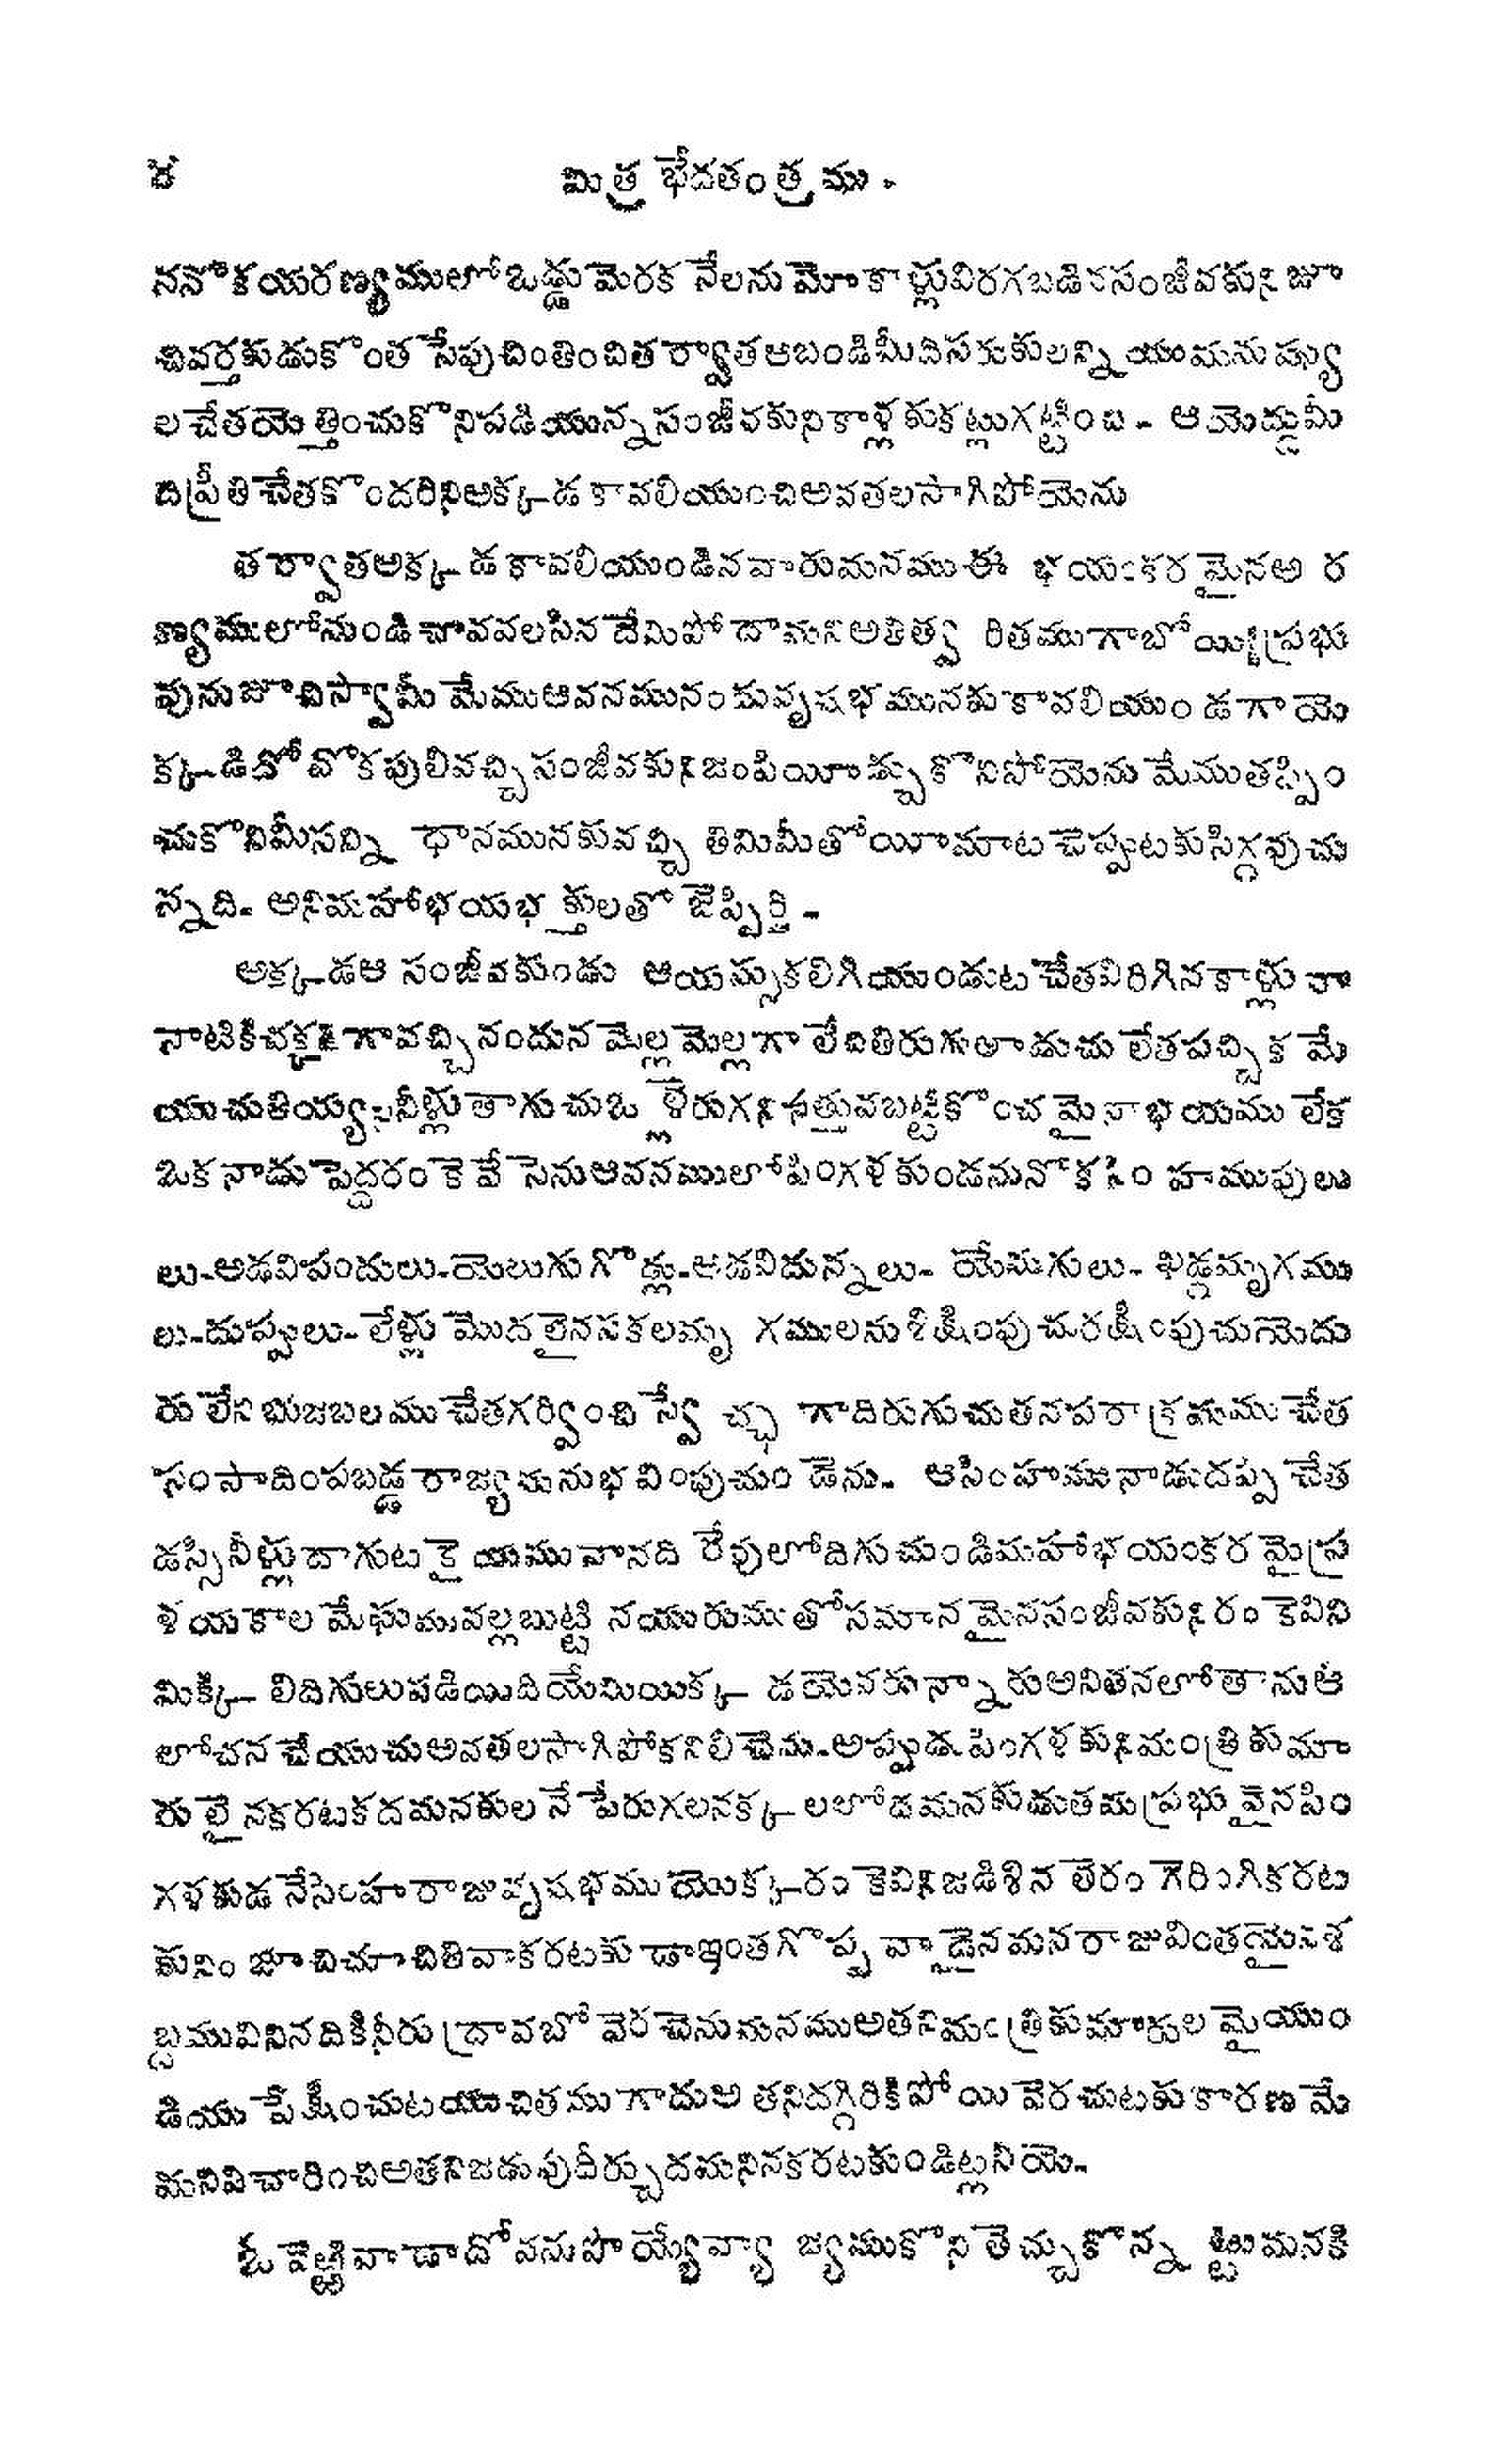న నొకయరణ్యములో ఒడ్డుమెరకనేలను మోకాళ్లు విరగబడిన సంజీవకుని జూచి వర్తకుడు కొంతసేపు చింతించి తర్వాత ఆబండిమీదిసరుకులన్నియు మనుష్యులచేత యెత్తించుకొని పడియున్న సంజీవకుని కాళ్లకు కట్లు గట్టించి, ఆయెద్దుమీది ప్రీతిచేత కొందరిని అక్కడ కావలియుంచి అవతల సాగిపోయెను.

తర్వాత అక్కడ కావలియుండినవారు మనము ఈభయంకరమైనఅరణ్యములో నుండి చావవలసిన దేమి పోదామని అతిత్వరితముగా బోయి ప్రభువును జూచి స్వామీ మేము ఆవనమునందు వృషభమునకు కావలియుండగా యెక్కడిదో వొకపులి వచ్చి సంజీవకుఁ జంపి యీడ్చుకొనిపోయెను. మేము తప్పించుకొని మీసన్నిధానమునకు వచ్చితిమి. మీతో యీమాట చెప్పుటకు సిగ్గవుచున్నది. అని మహాభయభక్తులతో జెప్పిరి.

అక్కడ ఆసంజీవకుండు ఆయస్సు కలిగియుండుటచేత విరిగినకాళ్లు నానాటికి చక్కటిగా వచ్చినందున మెల్లమెల్లగా లేచి తిరుగుతాడుచు లేతపచ్చిక మేయుచు తియ్యనినీళ్లు తాగుచు ఒళ్లెరుగనిసత్తువ బట్టి కొంచమైనా భయము లేక ఒకనాడు పెద్దరంకె వేసెను. ఆవనములో పింగళకుండను నొకసింహము పులులు అడవిపందులు యెలుగుగొడ్లు అడవిదున్నలు యేనుగులు ఖడ్గమృగములు దుప్పులు లేళ్లు మొదలైన సకలమృగములను శిక్షింపుచు రక్షి౦పుచు యెదురులేని భుజబలముచేత గర్వించి స్వేచ్ఛగా దిరుగుచు తనపరాక్రమముచేత సంపాదింపబడ్డ రాజ్య మనుభవింపుచుండెను. ఆసింహము నాడు దప్పిచేత డస్సి నీళ్లు దాగుటకై యమునానదిరేవులో దిగుచుండి మహాభయంకరమై ప్రళయకాలమేఘమువల్ల బుట్టినయురుముతో సమానమైనసంజీవకునిరంకె విని మిక్కిలి దిగులుపడి యిది యేమి యిక్కడ యెవ రున్నారు అని తనలో తాను ఆలోచన చేయుచు అవతల సాగిపోక నిలిచెను. అప్పుడు పింగళకునిమంత్రికుమారులైన కరటకదమనకు లనేపేరుగలనక్కలలో దమనకుడు తమప్రభువైన పింగళకుడనేసింహరాజు వృషభముయొక్కరంకె విని జడిశినతెరం గెరింగి కరటకునిం జూచి చూచితివా కరటకుడా ఇంతగొప్పవాడైన మనరాజు వింతయైనశబ్దము విని నదికి నీరు ద్రావబో వెరచెను. మనము అతనిమంత్రికుమారులమై యుండి యుపేక్షించుట యుచితము గాదు. అతనిదగ్గిరికి పోయి వెరచుటకు కారణ మేమని విచారించి అతనిజడుపు దీర్చుదమనిన కరటకుం డిట్లనియె.

ఓవెఱ్ఱివాడా దోవనుపొయ్యేవ్యాజ్యము కొనితెచ్చుకొన్నట్టు మనకి